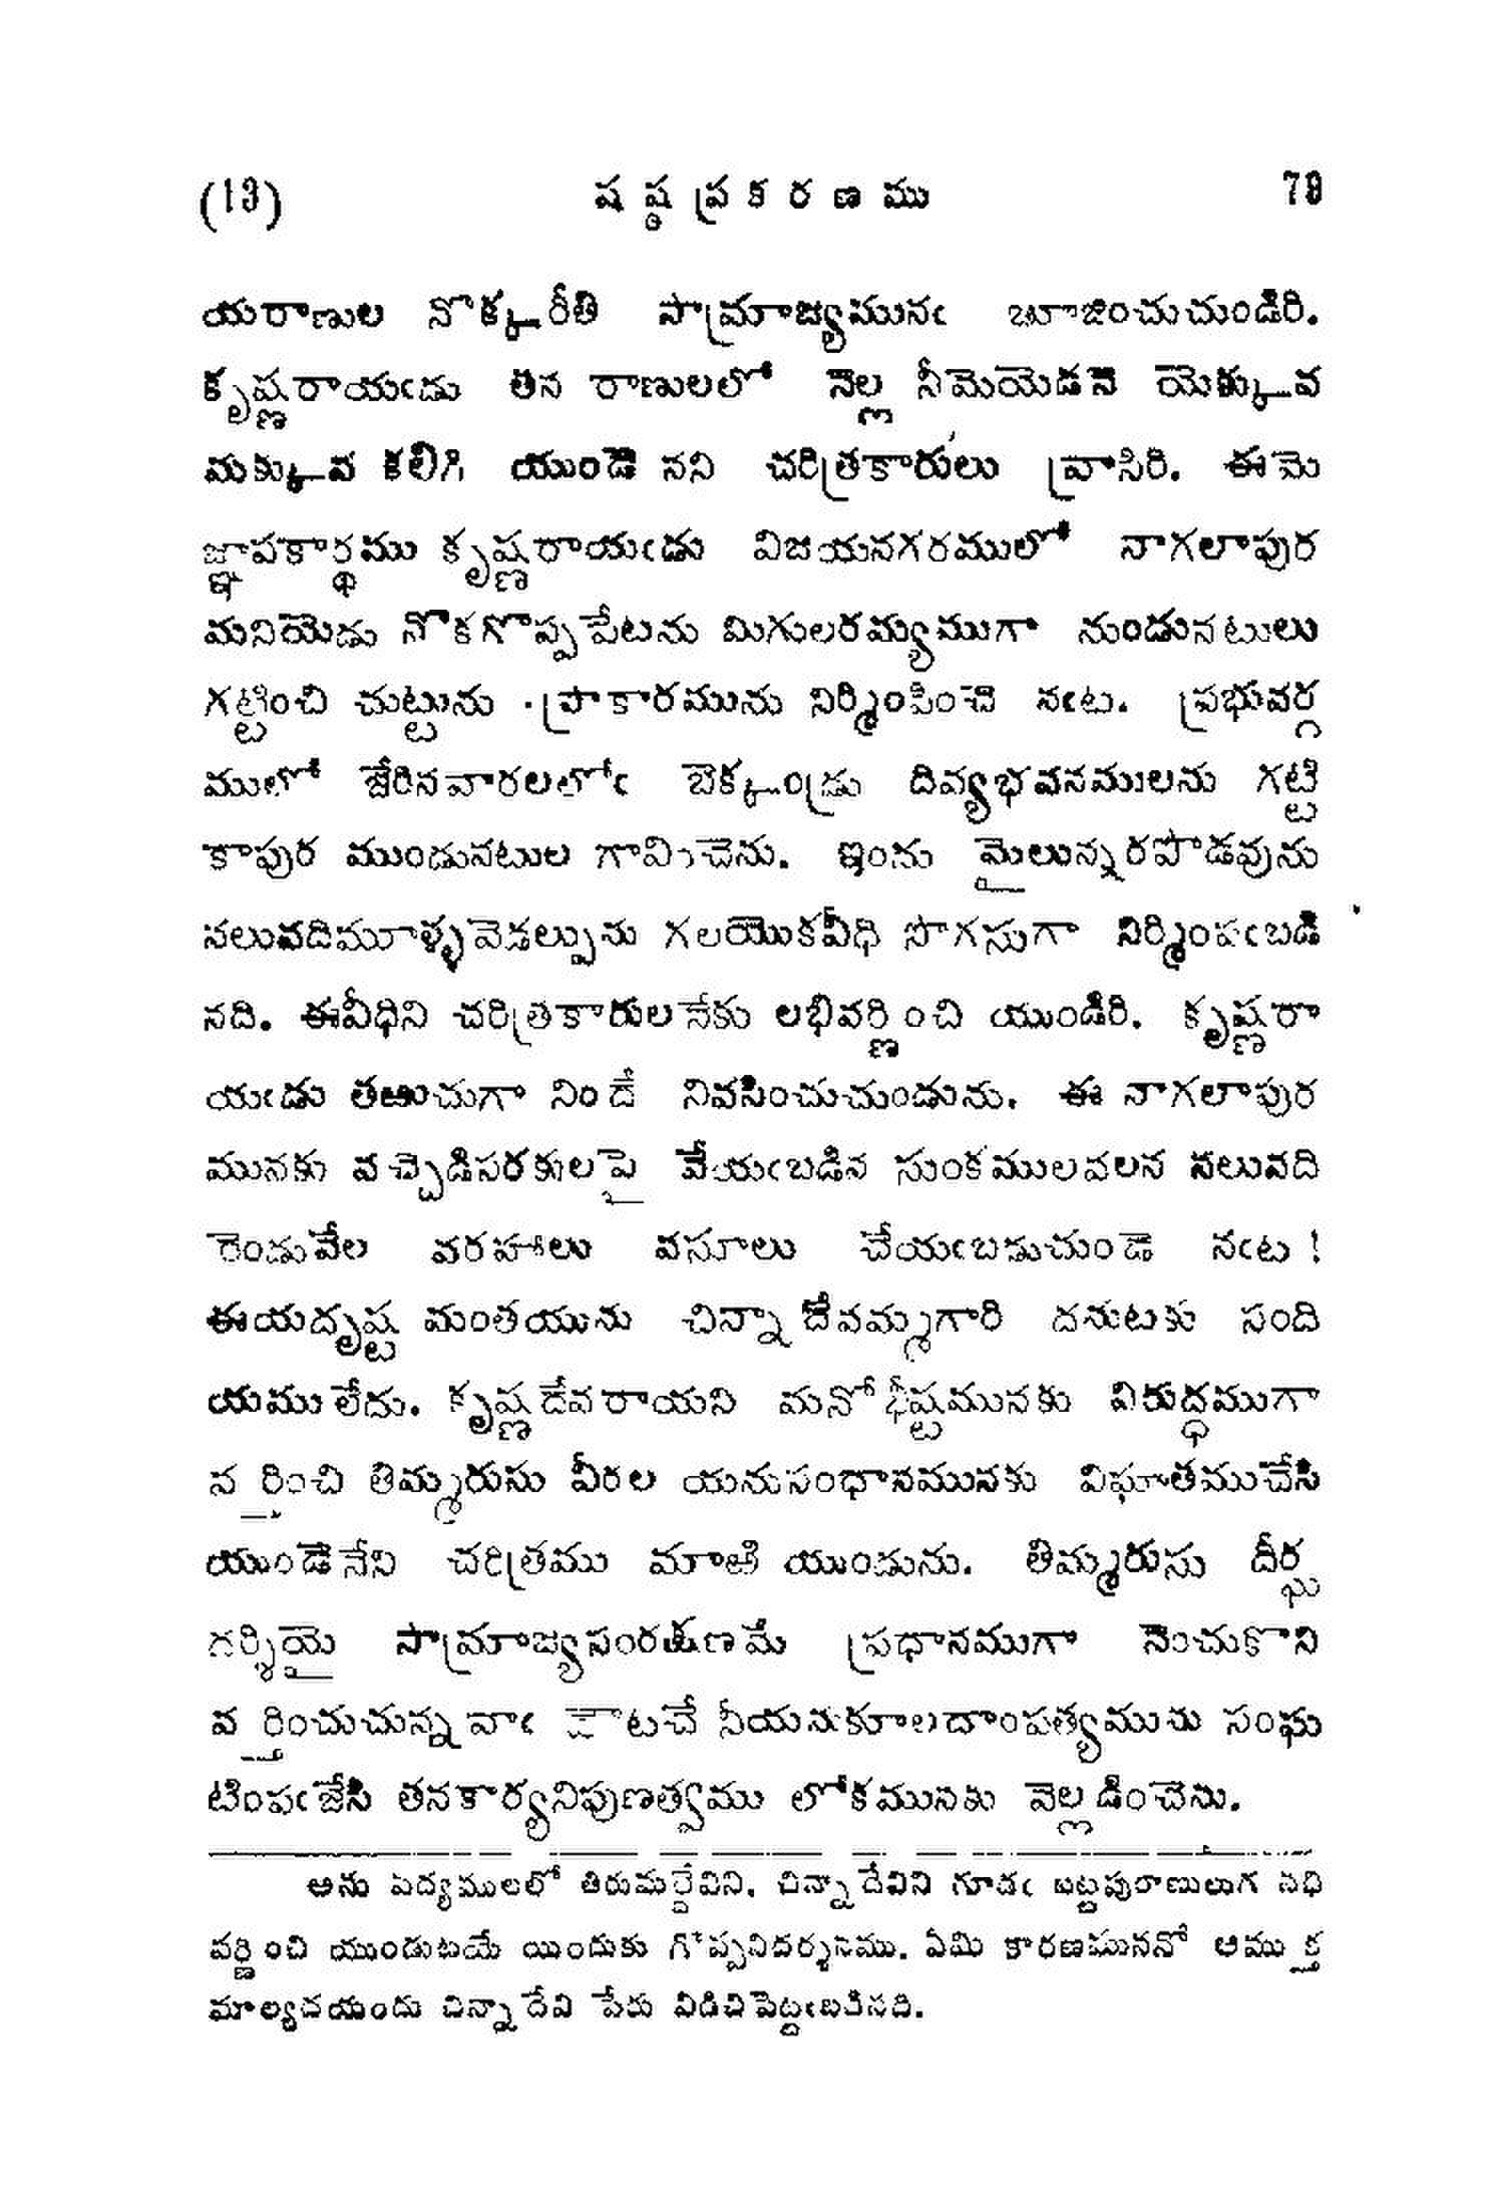యరాణుల నొక్కరీతి సామ్రాజ్యమునఁ బూజించుచుండిరి. కృష్ణరాయఁడు తనరాణులలో నెల్ల నీమెయెడనె యెక్కువ మక్కువ కలిగి యుండె నని చరిత్రకారులు వ్రాసిరి. ఈమె జ్ఞాపకార్థము కృష్ణరాయఁడు విజయనగరములో నాగలాపురమనియెడు నొకగొప్పపేటను మిగులరమ్యముగా నుండునటులు గట్టించి చుట్టును ప్రాకారమును నిర్మింపించె నఁట. ప్రభువర్గములో జేరినవారలలో బెక్కండ్రు దివ్యభవనములను గట్టి కాపుర ముండునటుల గావించెను. ఇందు మైలున్నరపొడవును నలువదిమూళ్ళవెడల్పును గలయొకవీధి సొగసుగా నిర్మింపఁబడినది. ఈవీధిని చరిత్రకారులనేకు లభివర్ణించి యుండిరి. కృష్ణరాయఁడు తఱుచుగా నిందే నివసించుచుండును. ఈ నాగలాపురమునకు వచ్చెడిసరకులపై వేయఁబడిన సుంకములవలన నలువదిరెండువేల వరహాలు వసూలు చేయఁబడుచుండె నఁట ! ఈయదృష్ట మంతయును చిన్నాదేవమ్మగారి దనుటకు సందియములేదు. కృష్ణదేవరాయని మనోభీష్టమునకు విరుద్ధముగా వర్తించి తిమ్మరుసు వీరల యనుసంధానమునకు విఘాతముచేసి యుండెనేని చరిత్రము మాఱి యుండును. తిమ్మరుసు దీర్ఘదర్శియై సామ్రాజ్యసంరక్షణమే ప్రధానముగా నెంచుకొని వర్తించుచున్నవాఁ డౌటచే నీయనుకూలదాంపత్యమును సంఘటింపఁజేసి తనకార్యనిపుణత్వము లోకమునకు వెల్లడించెను.

అను పద్యములలో తిరుమల్దేవిని, చిన్నాదేవిని గూడఁ బట్టపురాణులుగ నభివర్ణించి యుండుటయే యిందుకు గొప్పనిదర్శనము. ఏమి కారణముననో ఆముక్తమాల్యదయందు చిన్నాదేవి పేరు విడిచిపెట్టఁబడినది.